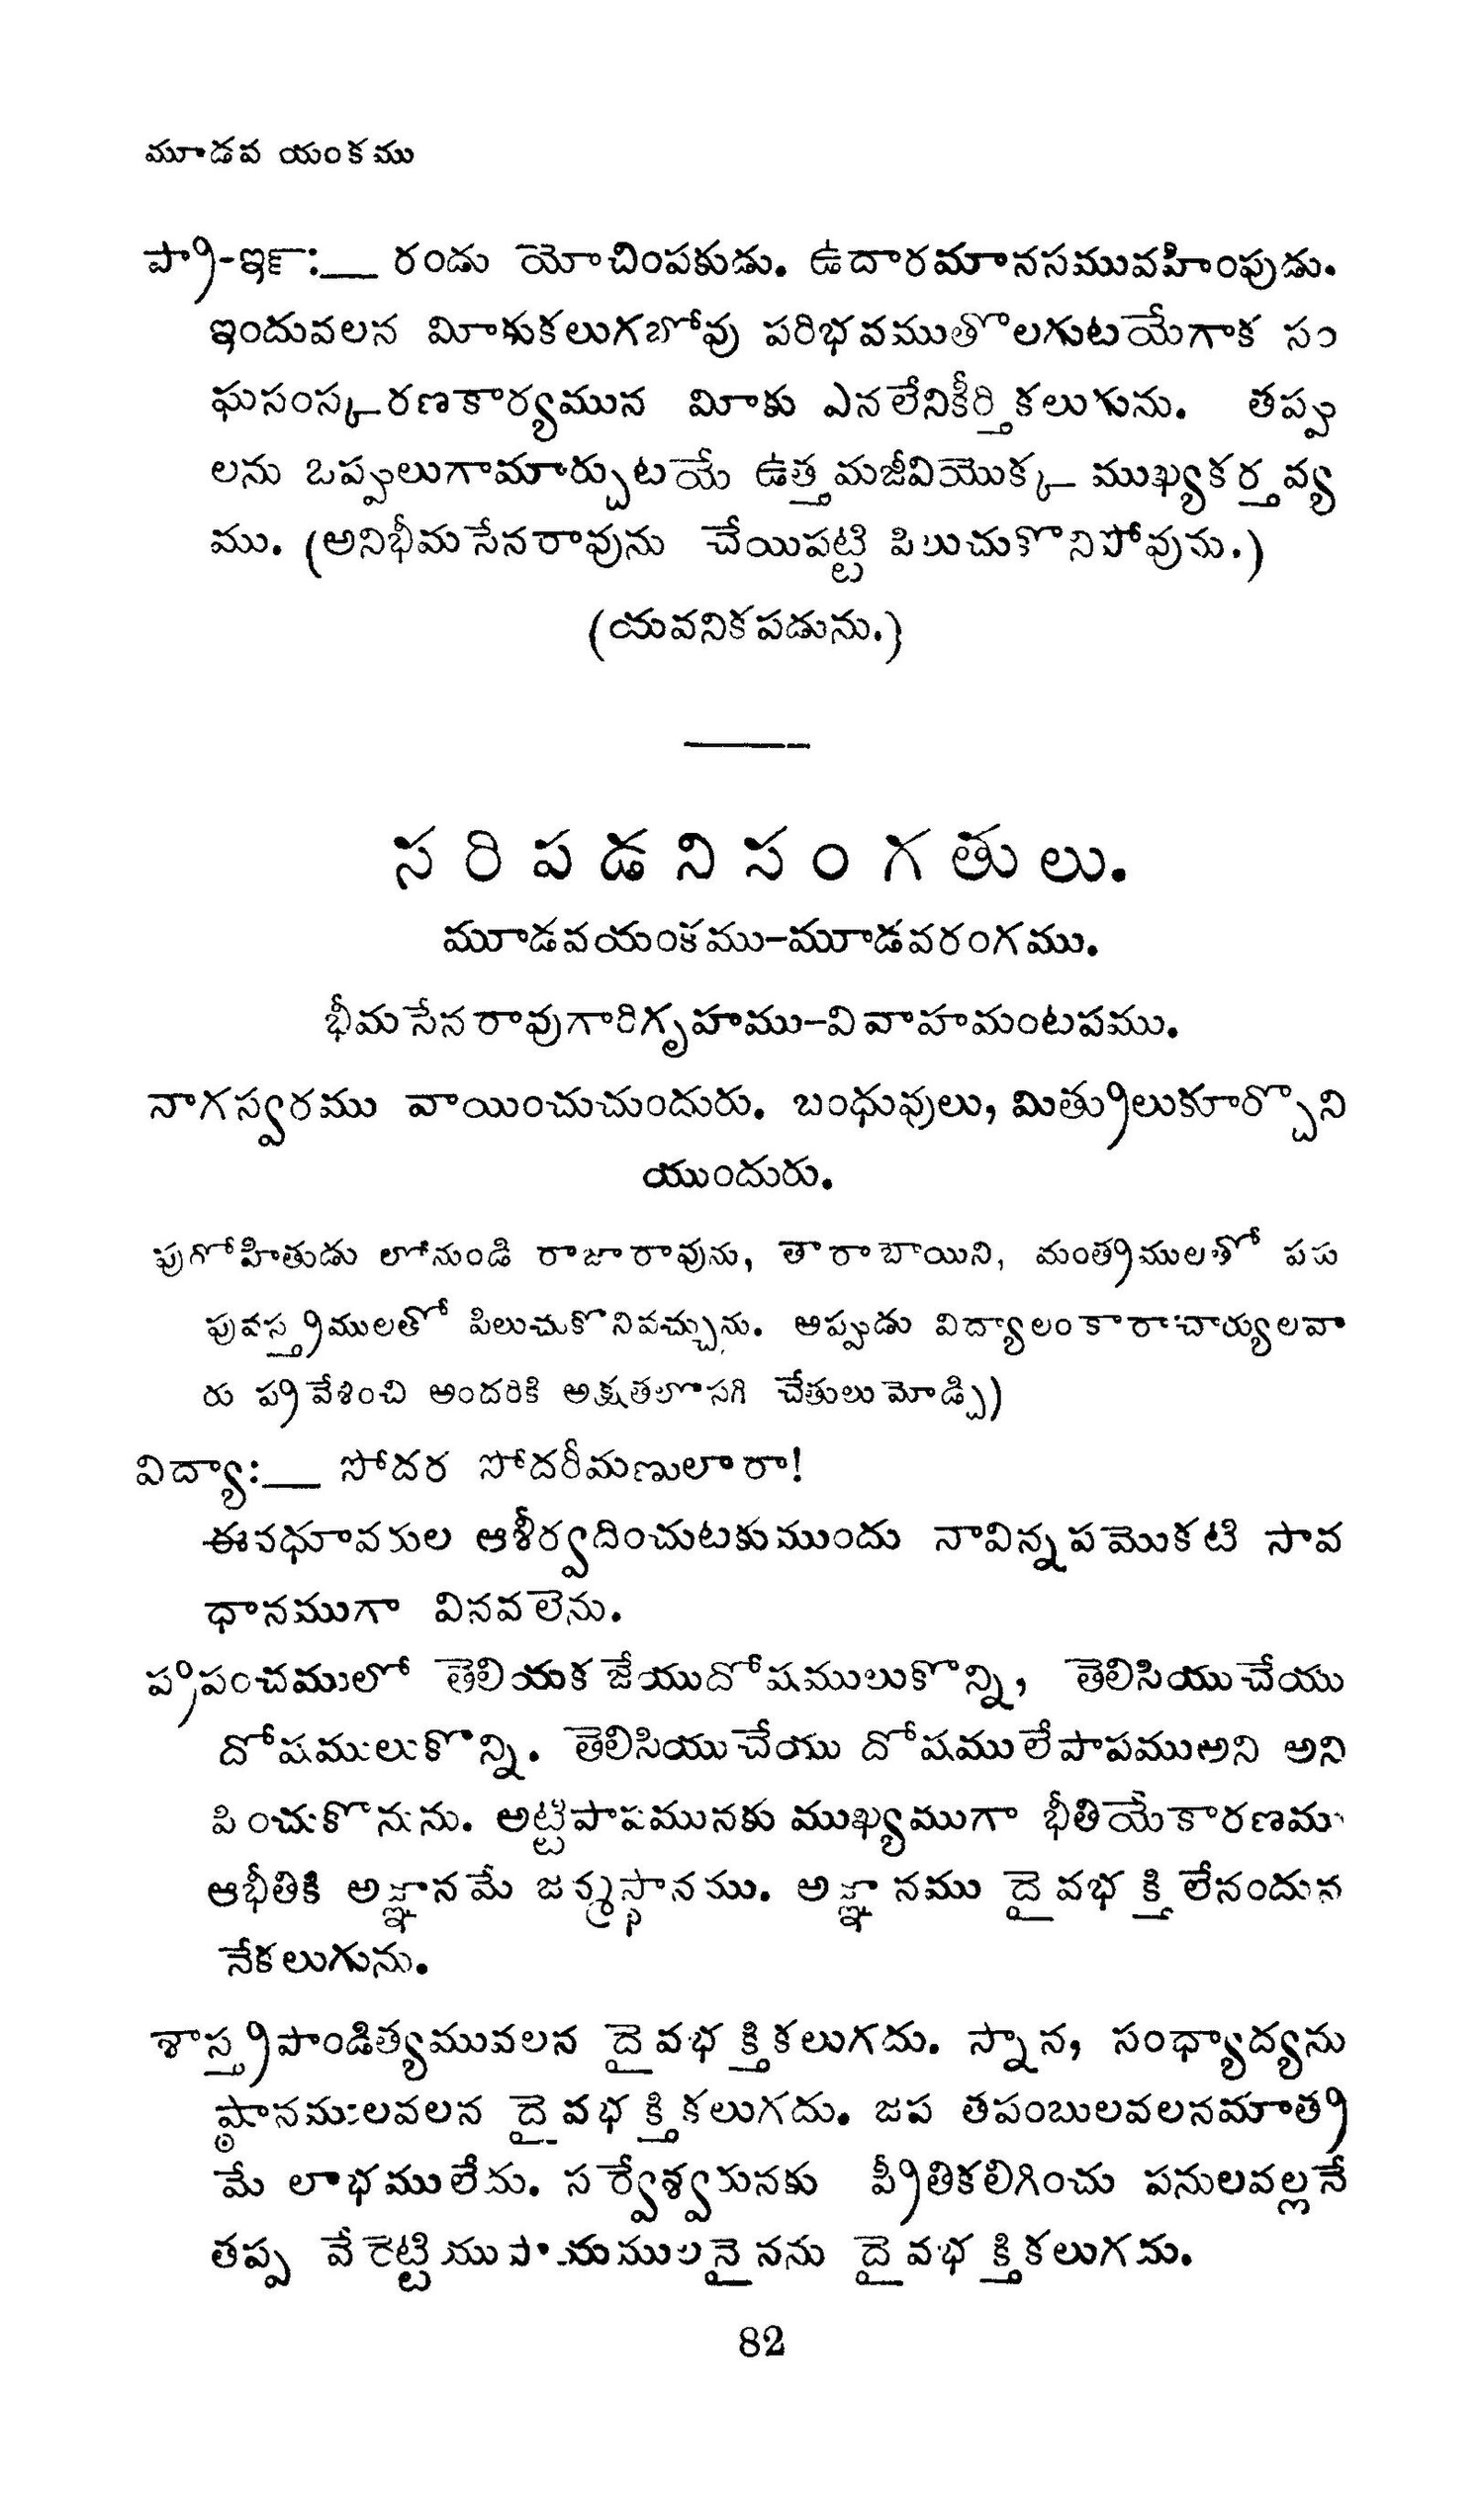ప్రా-ఇన్:-రండు యోచింపకుడు. ఉదారమానసమునహింపుడు. ఇందువలన మీకుకలుగబోవు పరిభవము తొలగుటయే గాక సంఘసంస్కరణకార్యమున మీకు ఎనలేని కీర్తికలుగును. తప్పులను ఒప్పులుగా మార్చుటయే ఉత్తమ జీవియొక్క ముఖ్యకర్తవ్యము. (అనిభీమసేనరావును చేయిపట్టి పిలుచుకొనిపోవును.)

 -----

 బీమసేనరావుగారిగృహము-వివాహమంటపము.

నాగస్వరము వాయించుచుందురు. బంధువులు, మిత్రులుకూర్చొని యుందురు.

పురోహితుడు లోపలినుండి రాజారావును, తారాబాయిని మంత్రములతో పసుపువస్త్రములతో పిలుచుకొనివచ్చును. అప్పుడు విద్యాలంకారాచార్యుల వారు ప్రవేశించి అందరికి అక్షత లొసగి చేతులుమోడ్చి)

విద్యా:-సోదరసోదరీమణులారా! ఈ వధూవరులను ఆశీర్వదించుటకుముందు నావిన్నపమొకటి సావధానముగా వినవలెను.

ప్రపంచములో తెలియకజేయు దోషములుకొన్ని, తెలిసిచేయు దోషములుకొన్ని, తెలిసియుచేయు దోషములే పాపమము అని అనిపించుకొనును. అట్టిపాపమునకు ముఖ్యముగా భీతియేకారణము. ఆభీతికి అజ్ఞానమే జన్మస్ధానము. అజ్ఞానము దైవభక్తి లేనందుననే కలుగును. 

శాస్త్రపాండిత్యముల వలన దైవభక్తి కలుగదు. స్నాన, సంధ్యాద్యమష్ఠానముల వలన దైవభక్తి కలుగదు. జప తపంబులవలన మాత్రమే లాభములేదు. సర్వేశ్వరునకు ప్రీతికలిగించు పనులవల్లనే తప్ప వేరెట్టి యుపాయములనైనను దైవభక్తికలుగదు.